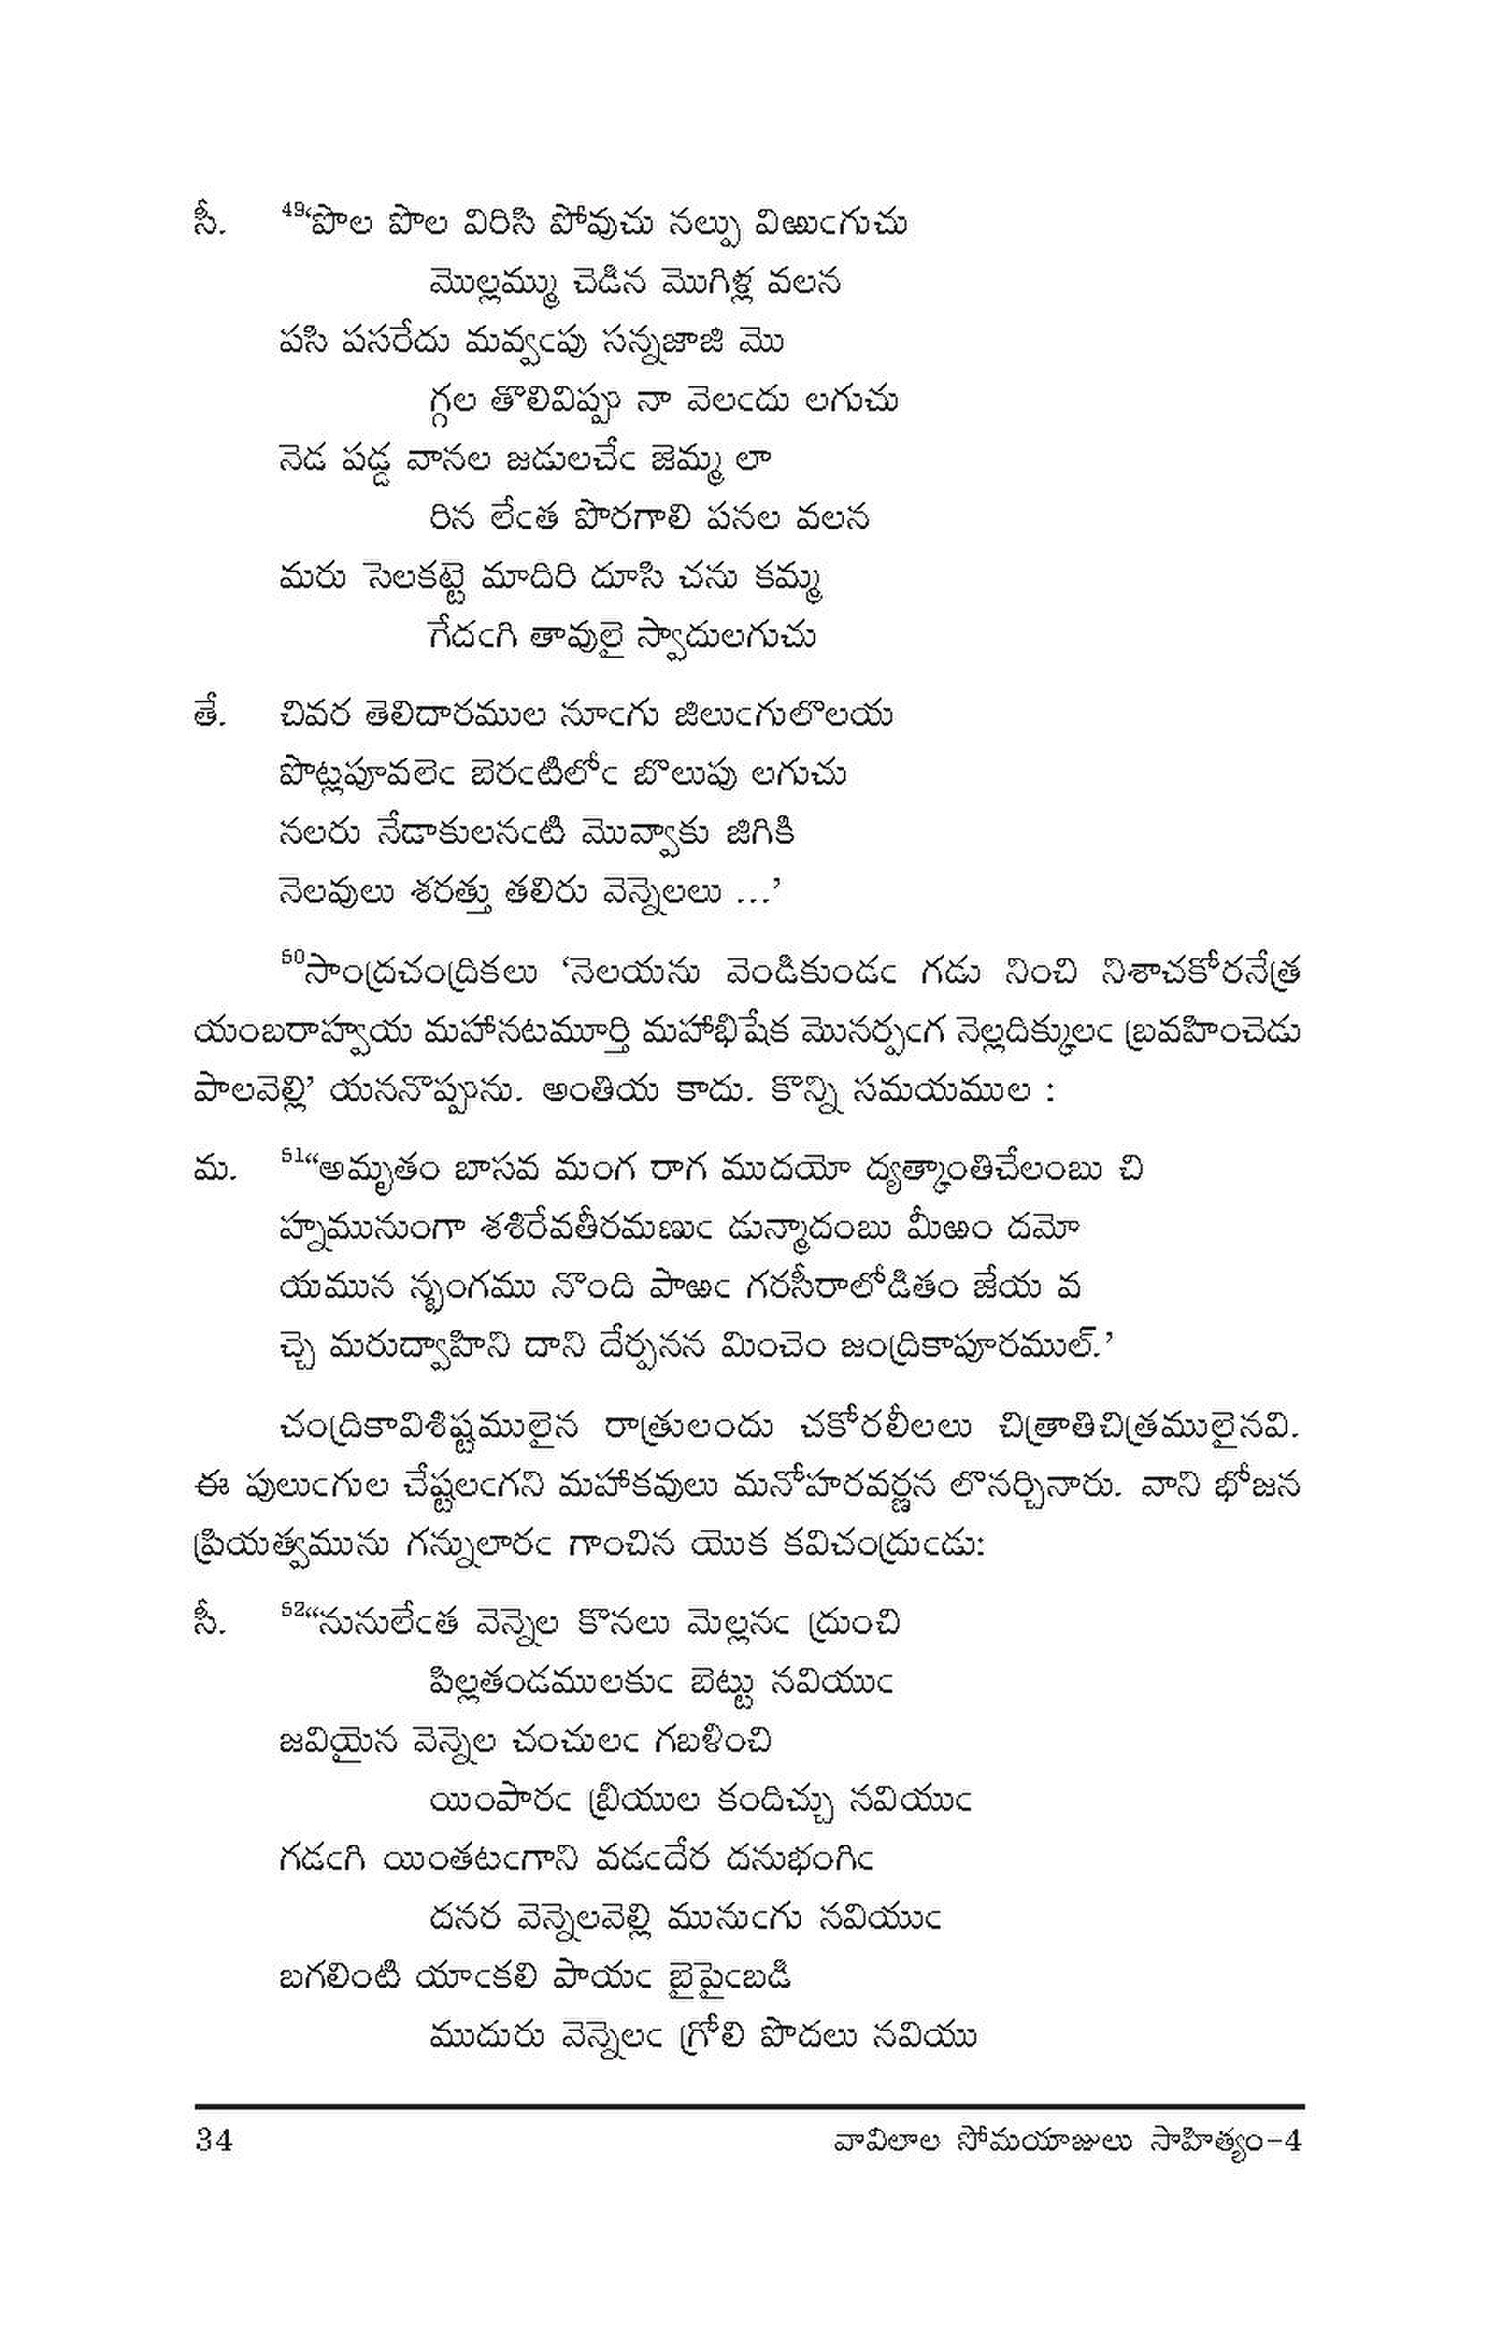సీ. పొల పొల విరిసి పోవుచు నల్పు విఱుఁగుచు
 మొల్లమ్ము చెడిన మొగిళ్ల వలన
 పసి పసరేదు మవ్వఁపు సన్నజాజి మొ
 గ్గల తొలివిప్పు నా వెలఁదు లగుచు
 నెడ పడ్డ వానల జడులచేఁ జెమ్మ లా
 రిన లేఁత పొరగాలి పనల వలన
 మరు సెలకట్టె మాదిరి దూసి చను కమ్మ
 గేదఁగి తావులై స్వాదులగుచు

తే. చివర తెలిదారముల నూఁగు జిలుఁగులొలయ
 పొట్లపూవలెఁ బెరఁటిలోఁ బొలుపు లగుచు
 నలరు నేడాకులనఁటి మొవ్వాకు జిగికి
 నెలవులు శరత్తు తలిరు వెన్నెలలు ...'

సాంద్రచంద్రికలు 'నెలయను వెండికుండఁ గడు నించి నిశాచకోరనేత్ర
యంబరాహ్వయ మహానటమూర్తి మహాభిషేక మొనర్పఁగ నెల్లదిక్కులఁ బ్రవహించెడు
పాలవెల్లి' యననొప్పును. అంతియ కాదు. కొన్ని సమయముల :

మ. "అమృతం బాసవ మంగ రాగ ముదయో ద్యత్కాంతిచేలంబు చి
 హ్నమునుంగా శశిరేవతీరమణుఁ డున్మాదంబు మీఱం దమో
 యమున నృంగము నొంది పాఱఁ గరసీరాలోడితం జేయ వ
 చ్చె మరుద్వాహిని దాని దేర్పనన మించెం జంద్రికాపూరముల్.'

చంద్రికావిశిష్టములైన రాత్రులందు చకోరలీలలు చిత్రాతిచిత్రములైనవి.
ఈ పులుఁగుల చేష్టలఁగని మహాకవులు మనోహరవర్ణన లొనర్చినారు. వాని భోజన
ప్రియత్వమును గన్నులారఁ గాంచిన యొక కవిచంద్రుఁడు:

సీ. నునులేఁత వెన్నెల కొనలు మెల్లనఁ ద్రుంచి
 పిల్లతండులకుఁ బెట్టు నవియుఁ
 జవియైన వెన్నెల చంచులఁ గబళించి
 యింపారఁ బ్రియుల కందిచ్చు నవియుఁ
 గడఁగి యింతటఁగాని వడఁదేర దనుభంగిఁ
 దనర వెన్నెలవెల్లి మునుఁగు నవియుఁ
 బగలింటి యాఁకలి పాయఁ బైపైఁబడి
 ముదురు వెన్నెలఁ గ్రోలి పొదలు నవియు